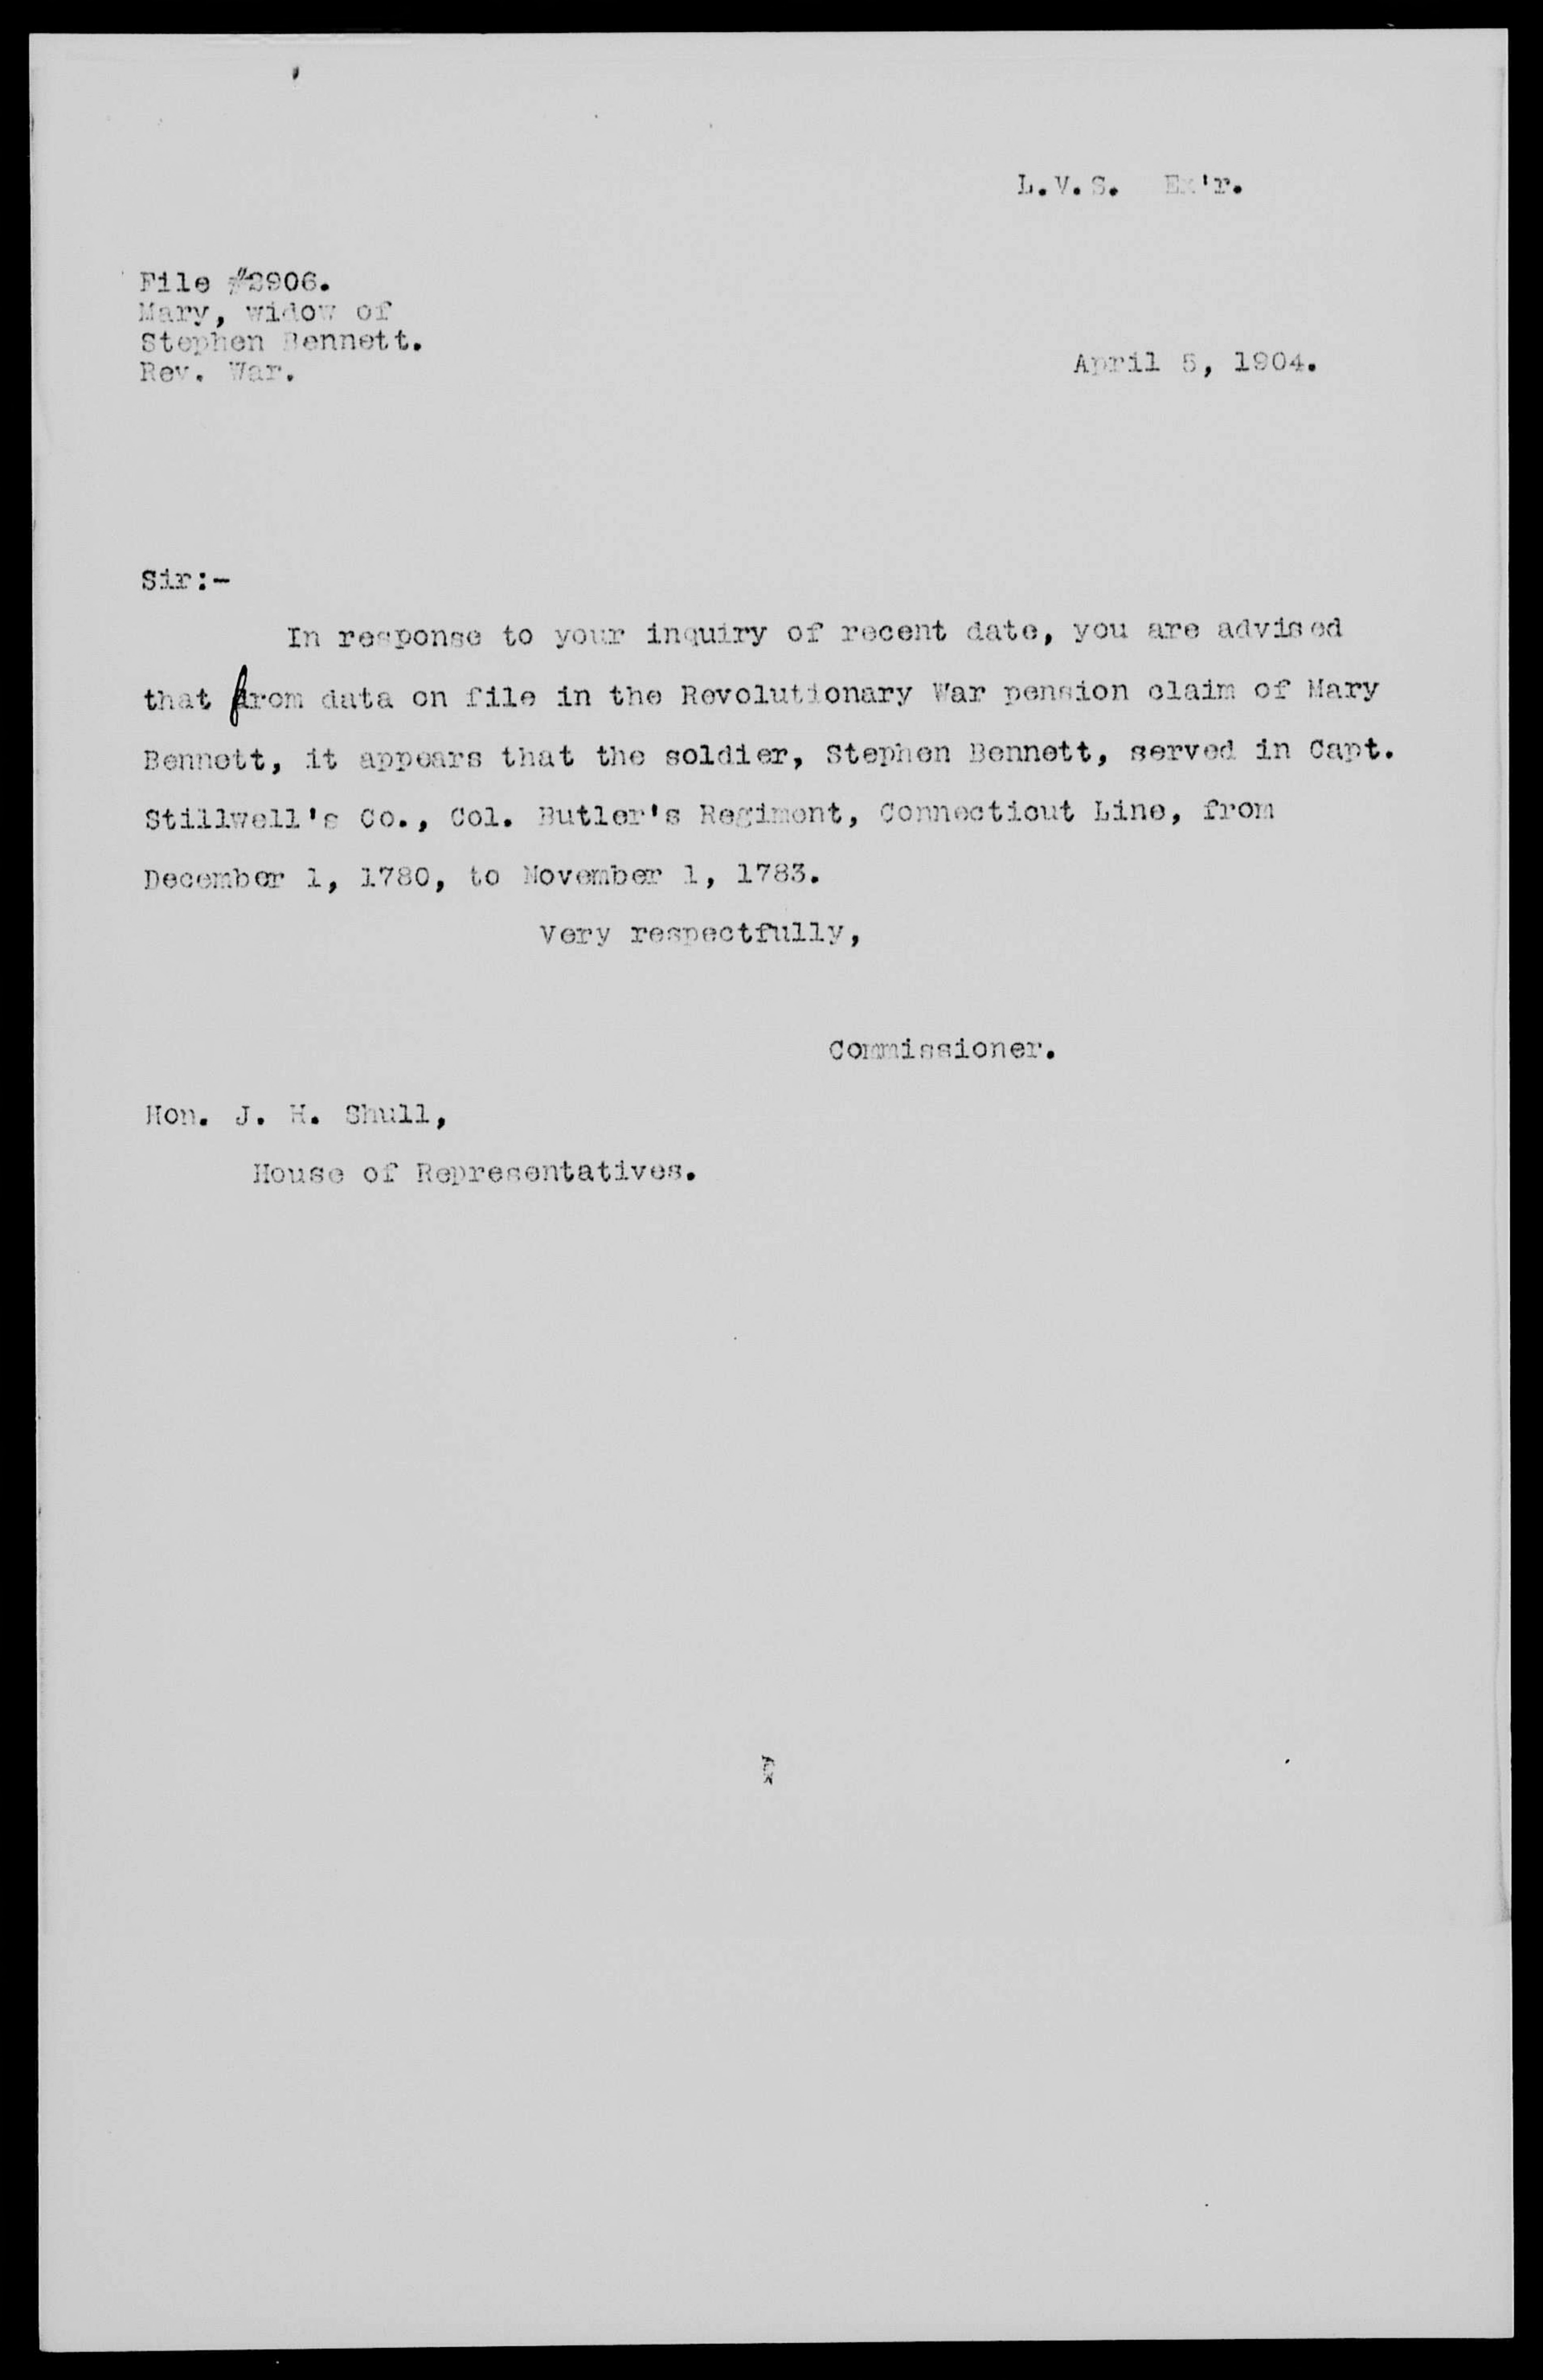L. V. S. Ex'r. File #2906. Mary, widow of Stephen Bennett. Rev. War. April 5, 1904. Sir: -- In response to your inquiry of recent date, you are advised that from data on file in the Revolutionary War pension claim of Mary Bennett, it appears that the soldier, Stephen Bennett, served in Capt. Stillwell's Co., Col. Butler's Regiment, Connecticut Line, from December 1, 1780, to November 1, 1783. Very respectfully, Commissioner. Hon. J. H. Shull, House of Representatives.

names: Mary Bennett, Stephen Bennett, Mary, Stephen Bennett, J H Shull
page: 77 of 79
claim: widow's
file: W. 2,906, Stephen Bennet, Conn.